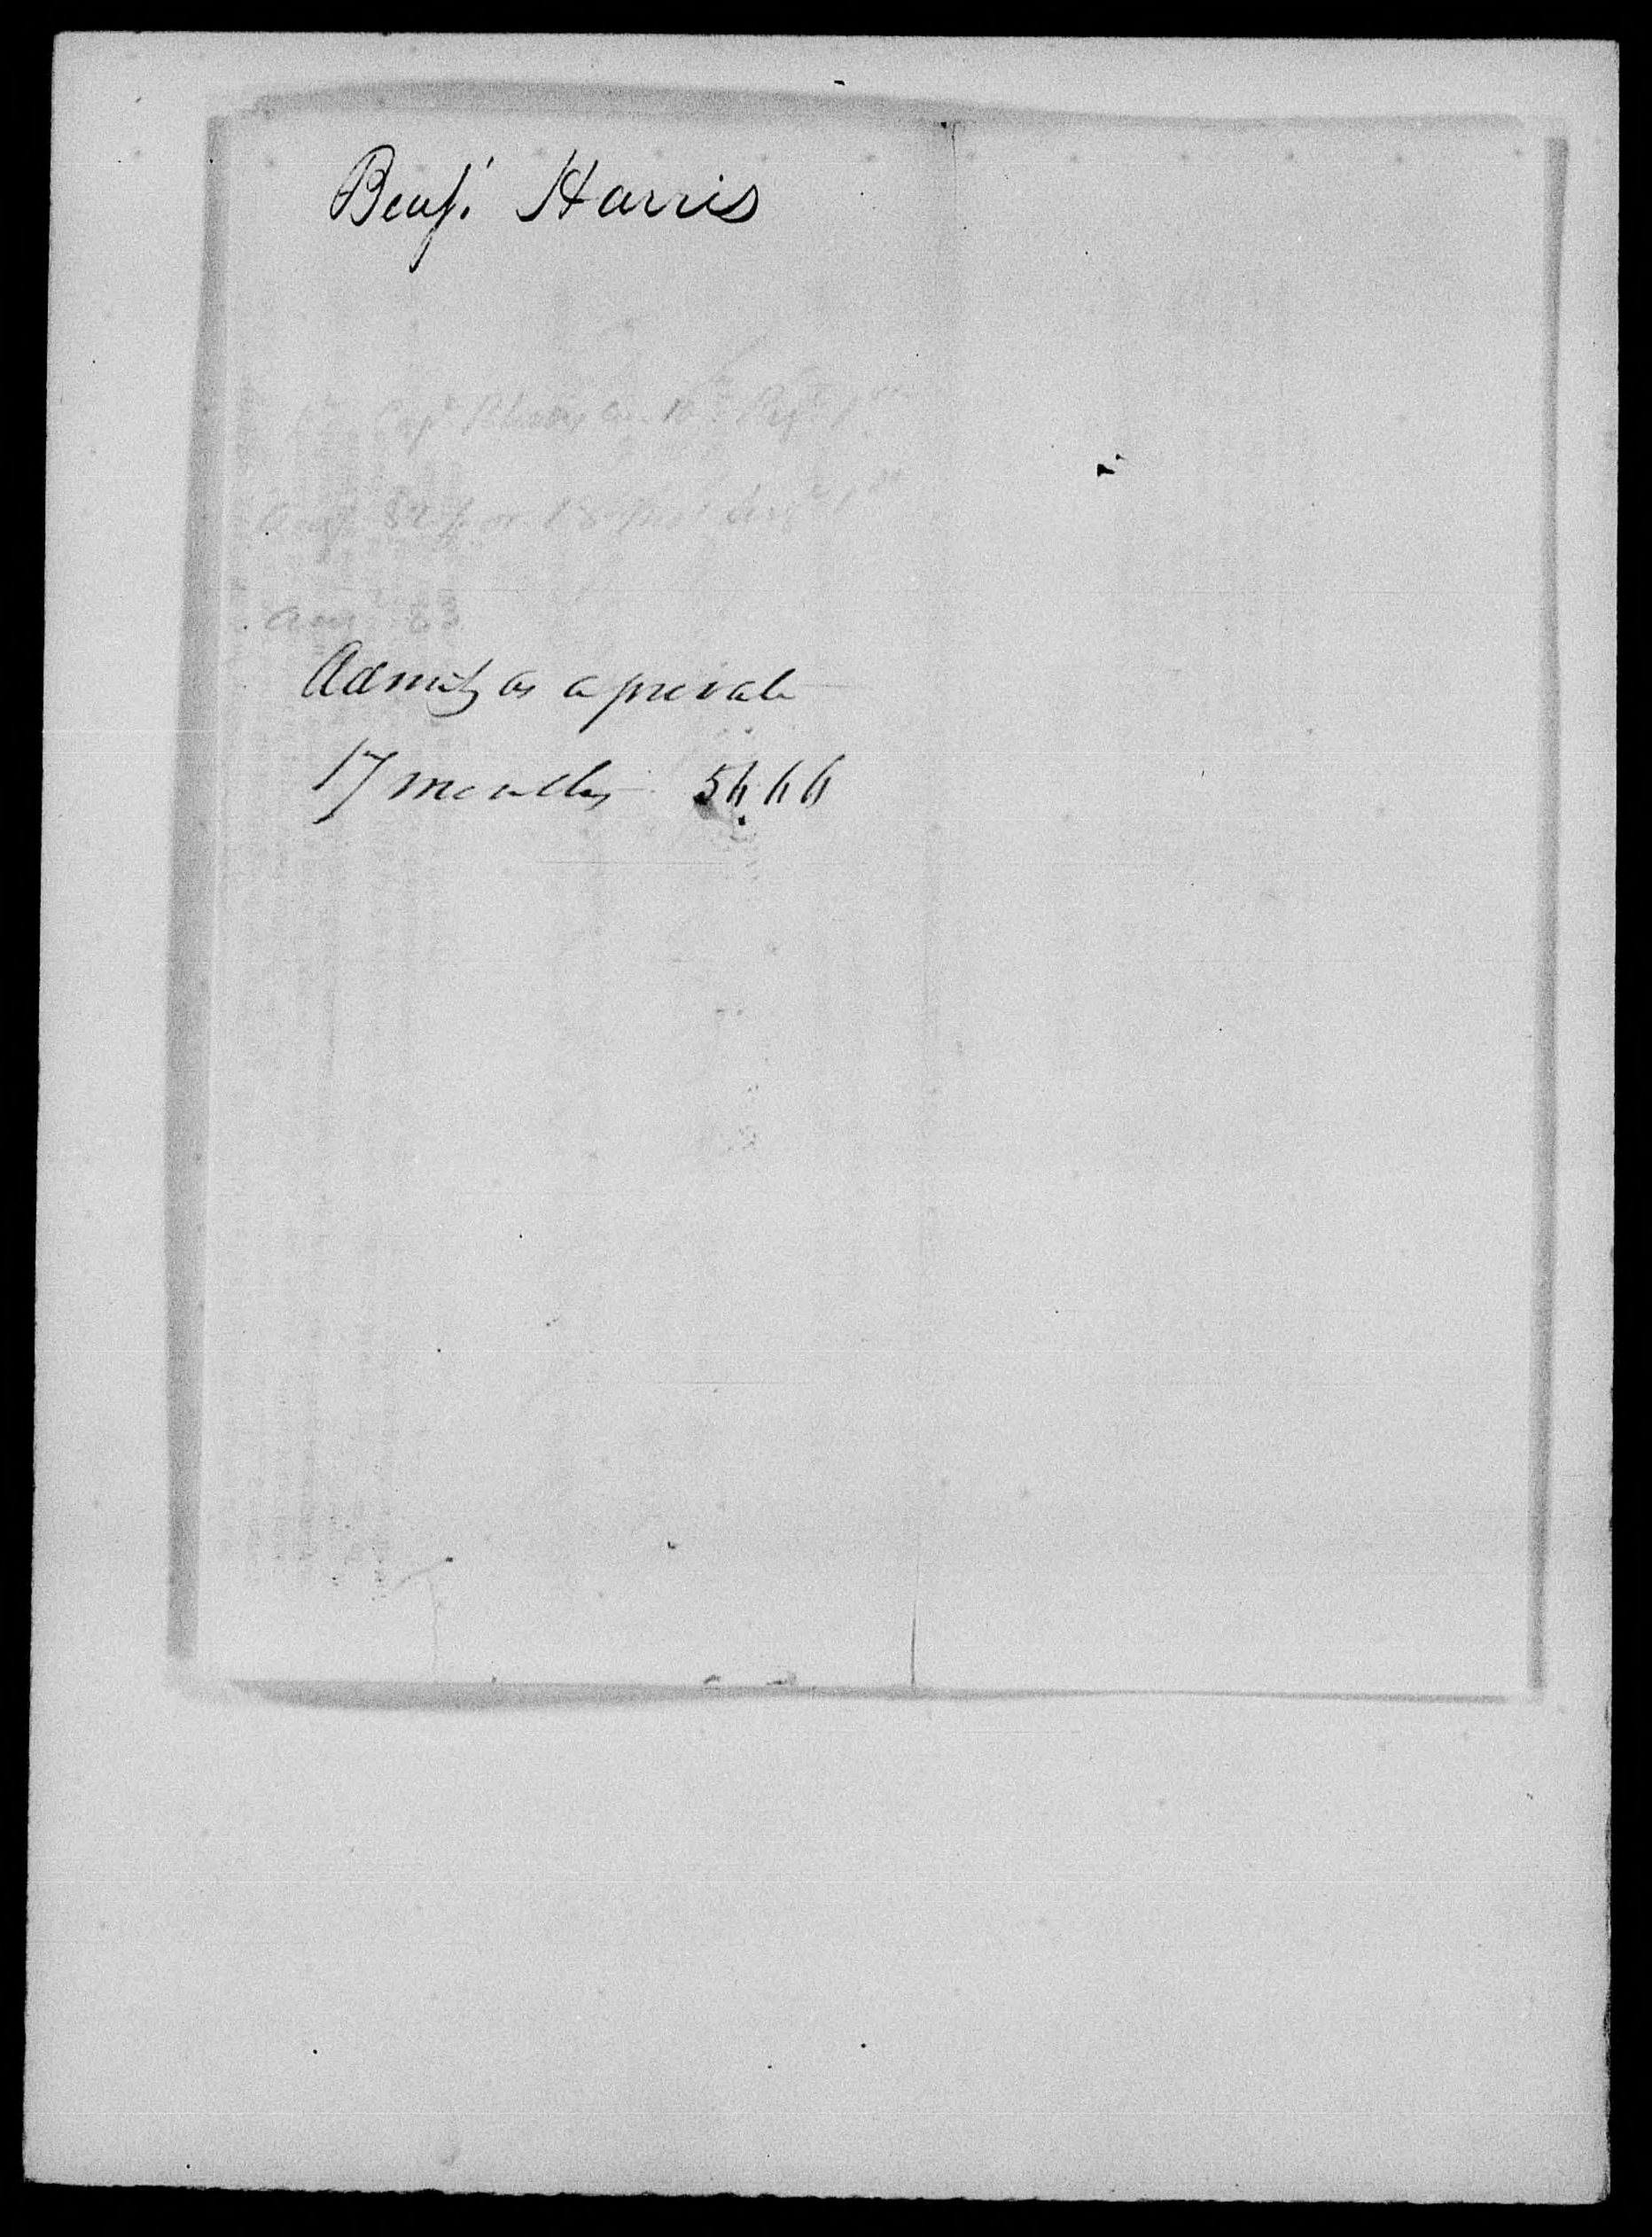Benj. Harris 

In Capt Rhodes Regt 82 for 
aug '83

Admitd as a private 
17 months 56.66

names: Benj Harris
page: 48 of 62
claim: survivor's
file: S. 38816, Benjamin Harris, Mass.